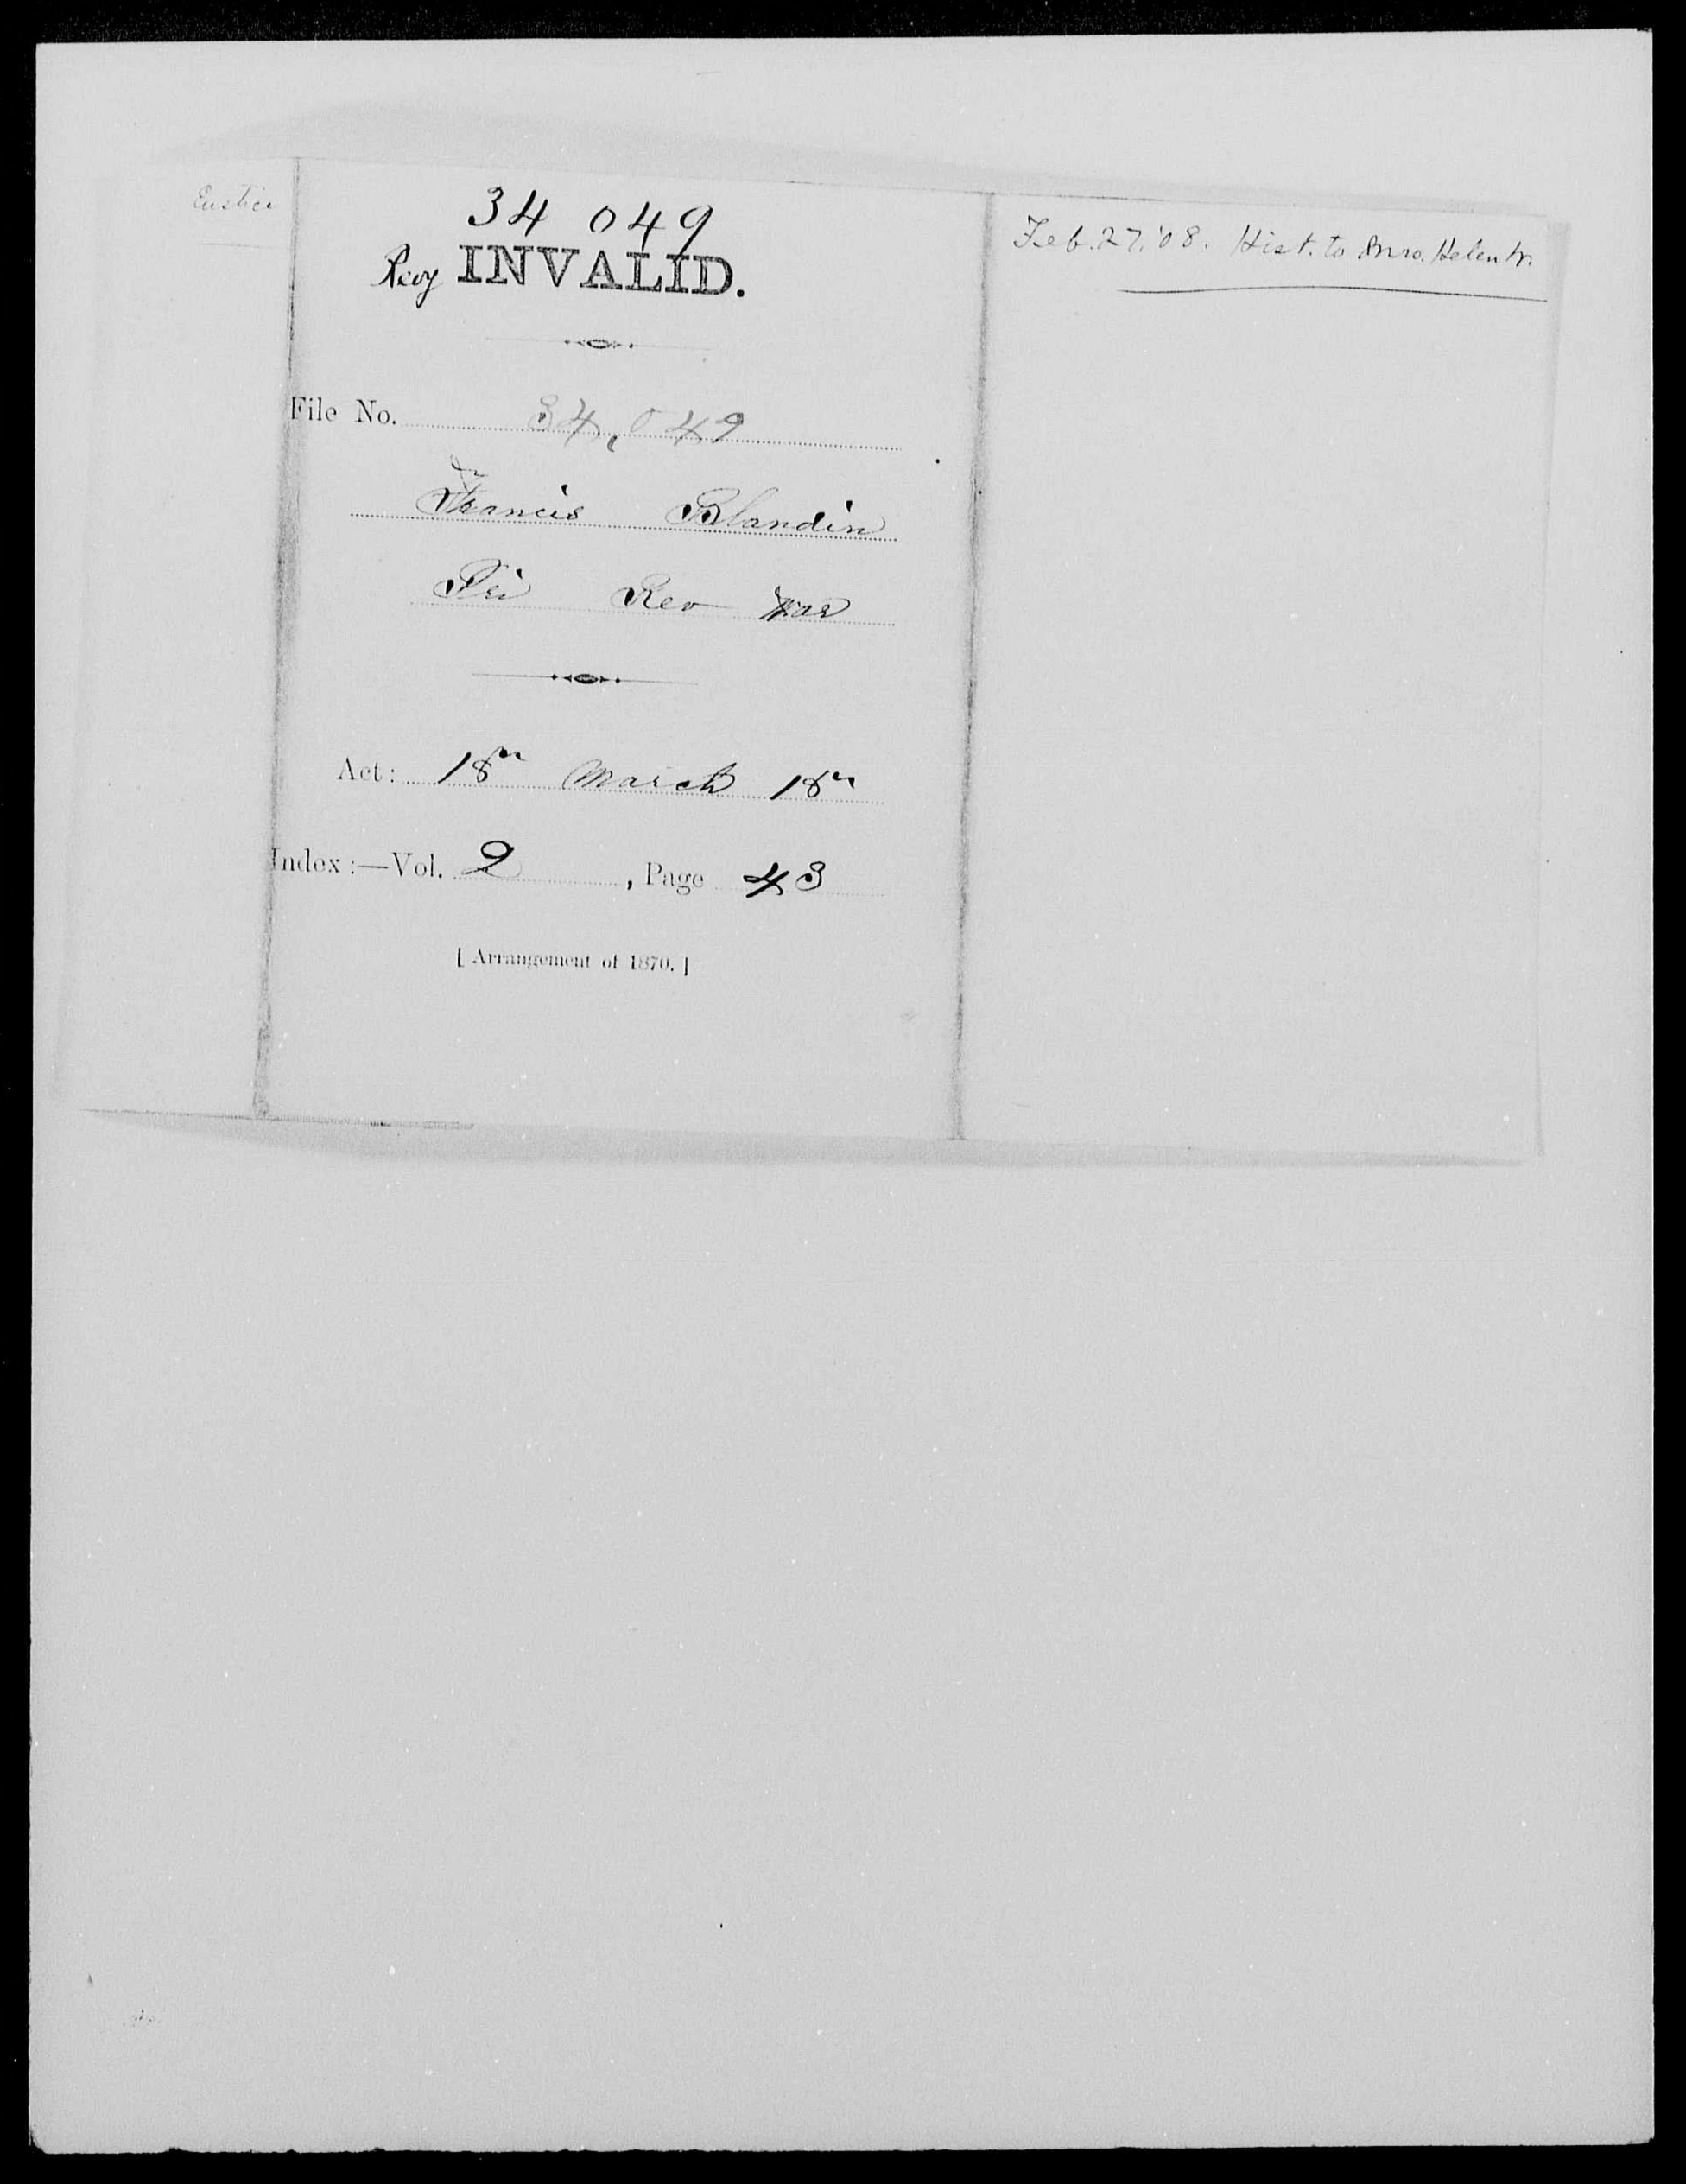34049

INVALID

Revy

File no. 34049

Francis Blandin

Priv  Rev War

Act 18th March 18

Index:  Vol 2, Page 43

[Arrangement of 1870]

***** 

Feb 27 '08 - Hist to Brown, Helen W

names: Francis Blandin, Helen W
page: 9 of 14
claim: survivor's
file: S. 34,049, Francis Blandin, Mass.